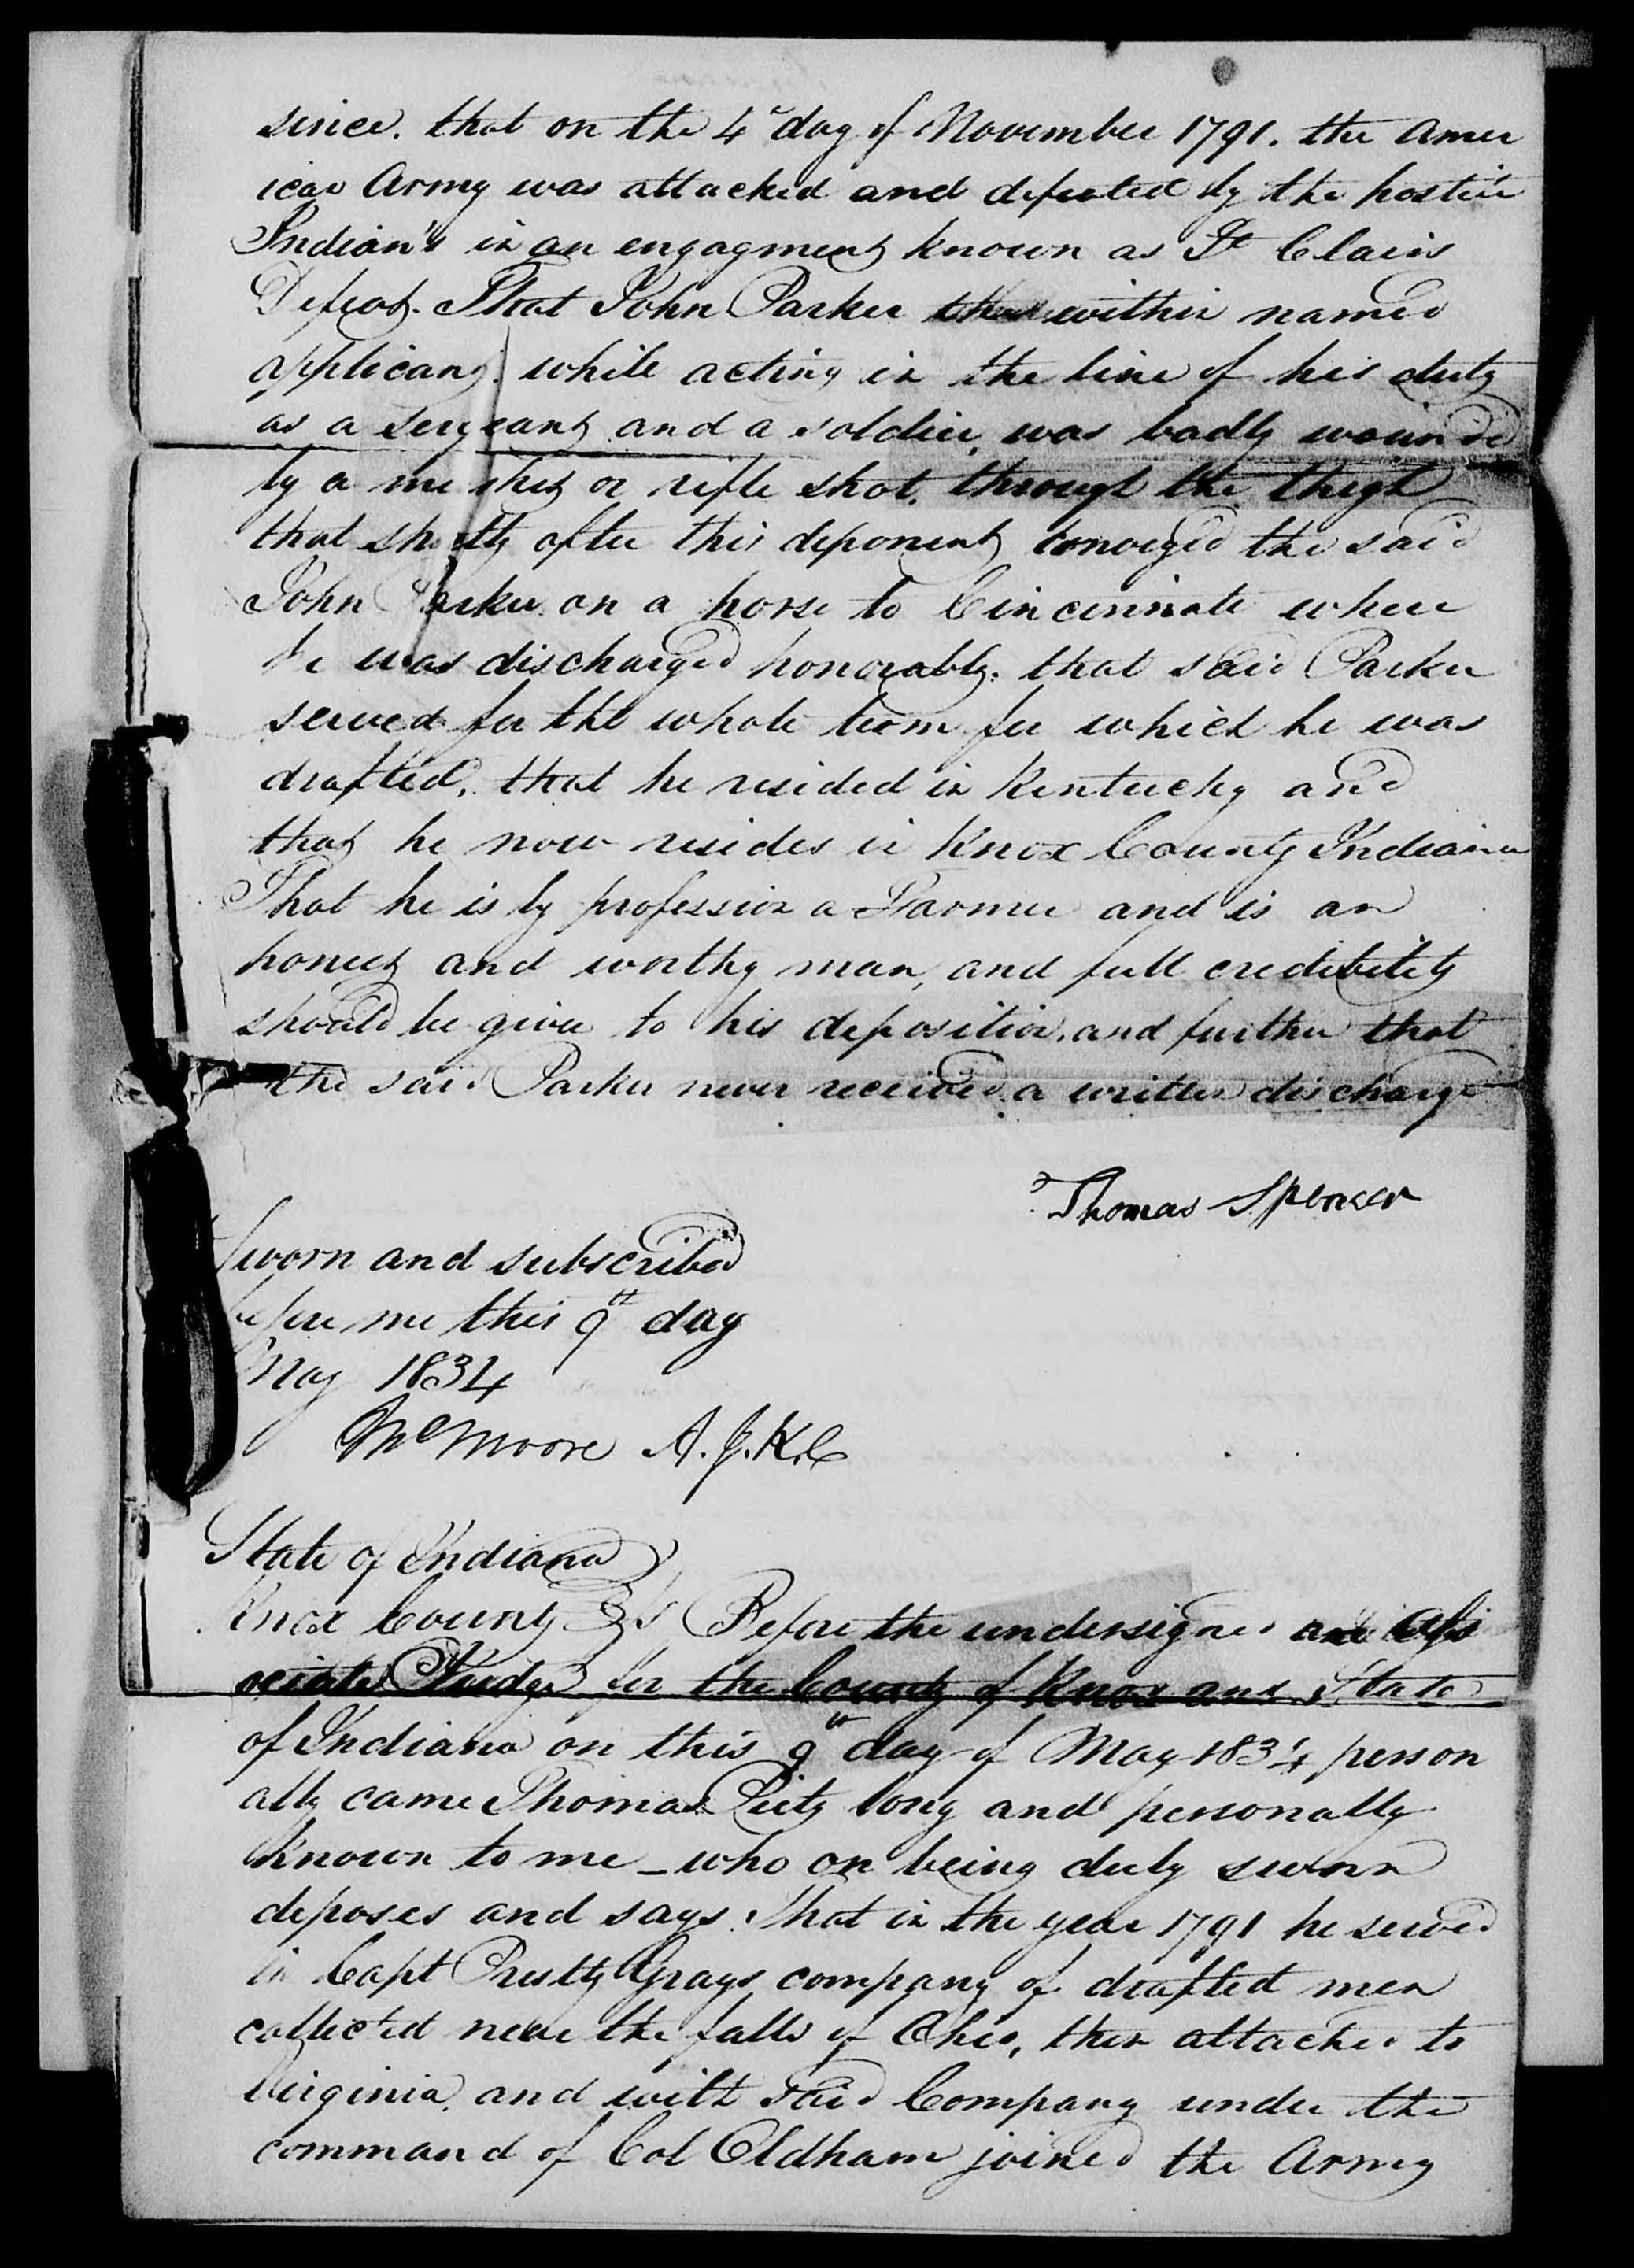since, that on the 4th day of November 1791, the American Army was attacked and defeated by the hostile Indians in an engagement known as St Clair's Defeat. That John Parker the within named appealing, while acting in the line of duty as a Sergeant and a soldier, was badly wounded by a musket or rifle shot through the thigh, that shortly after the defeat tonoged the said John Parker on a horse to Cincinnati where he was discharged honorably, that said Parker served for the whole time for which he was drafted, that he resided in Kentucky and that he now resides in Knox County Indiana. That he is by profession a Farmer and is an honest and worthy man, and full credibility should be given to his deposition, and further that the said Parker never received a written discharge.

Thomas Spencer

Sworn and subscribed
before me this 9th day
May 1834
Mr. Moon A.F.K.C.

State of Indiana

Knox County

Before the undersigned an Associate Judge for the County of Knox and State of Indiana on this 9th day of May 1834 sesson all came Thomas Piety long and personally known to me who on being duly sworn deposes and says that in the year 1791 he served in Capt Christy Grays company of drafted men gathered near the falls of Ohio, then attached to Virginia, and with said Company under the command of Col Oldham joined the Army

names: Jno Moore; [BLANK] Oldham; Thomas Piety; John Parker; Thomas Spencer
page: 6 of 21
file: Old War Inv. File 26332, for John Parker, Other